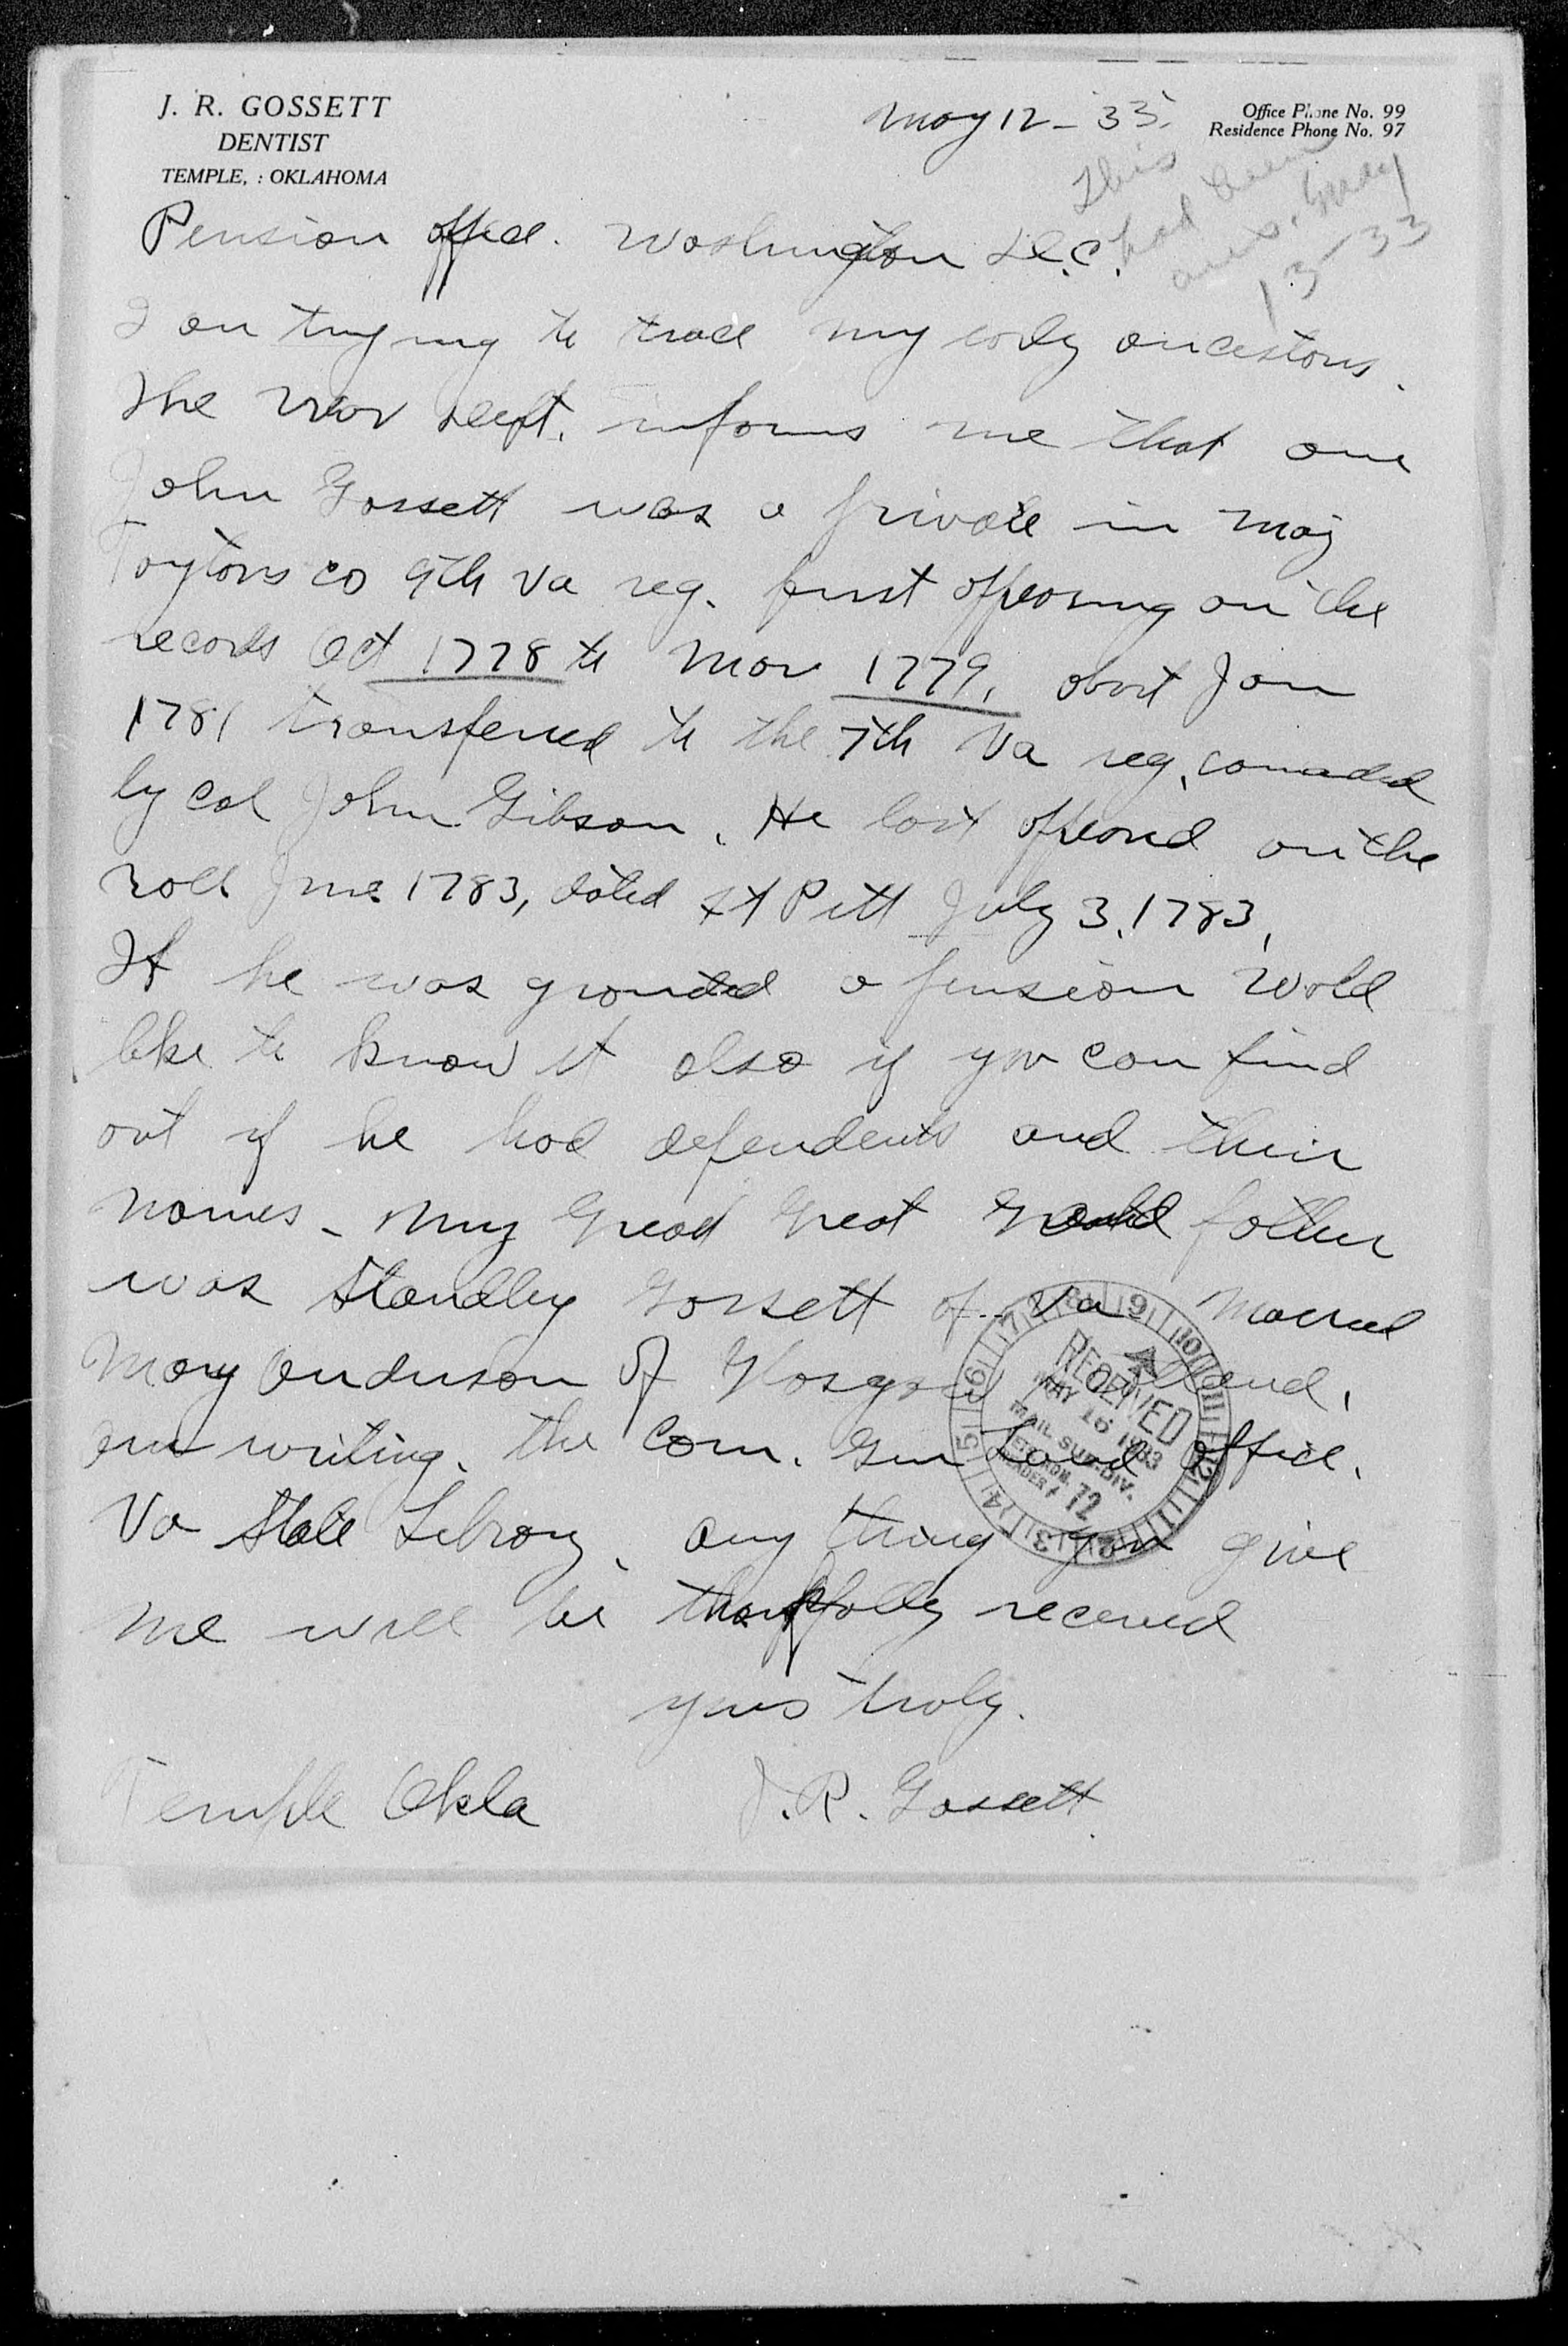[letterhead; top left]
J. R. GOSSETT
DENTIST
TEMPLE, : OKLAHOMA
[small type; top right]
Office Phone No. 99
Residence Phone No. 97
[handwritten note below small type]
This had been aud. May 13 -33
[main body; handwritten]
May 12 - 33'
Pension office. Washington D.C.
I am trying to trace my [] ancestors. The War Dept. informs me that one John Gossett was a private in Maj Taylors co 9th Va reg. first appearing on the records Oct 1778th Mar 1779, about Jan 1781 transferred to the 7th Va reg, commanded by Col John Gibson. He last appeared on the roll June 1783, dated [] Pitt July 3, 1783,
If he was granted a pension would like to know it also if you can find out if he had dependents and their names. My Great Great Grandfather was Standley Gossett of Va. Married Mary Anderson of Glosgow Va and, am writing the Com. Gen Land office, Va State Library. anything you give me will be thankfully received
yours truly
J. R. Gossett
Temple Okla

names: Mary Anderson, J R Gossett, Standley Gossett, John Gossett, J R Gossett, John Gibson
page: 17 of 21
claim: survivor's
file: S. 42,750, John Gosset, Va.